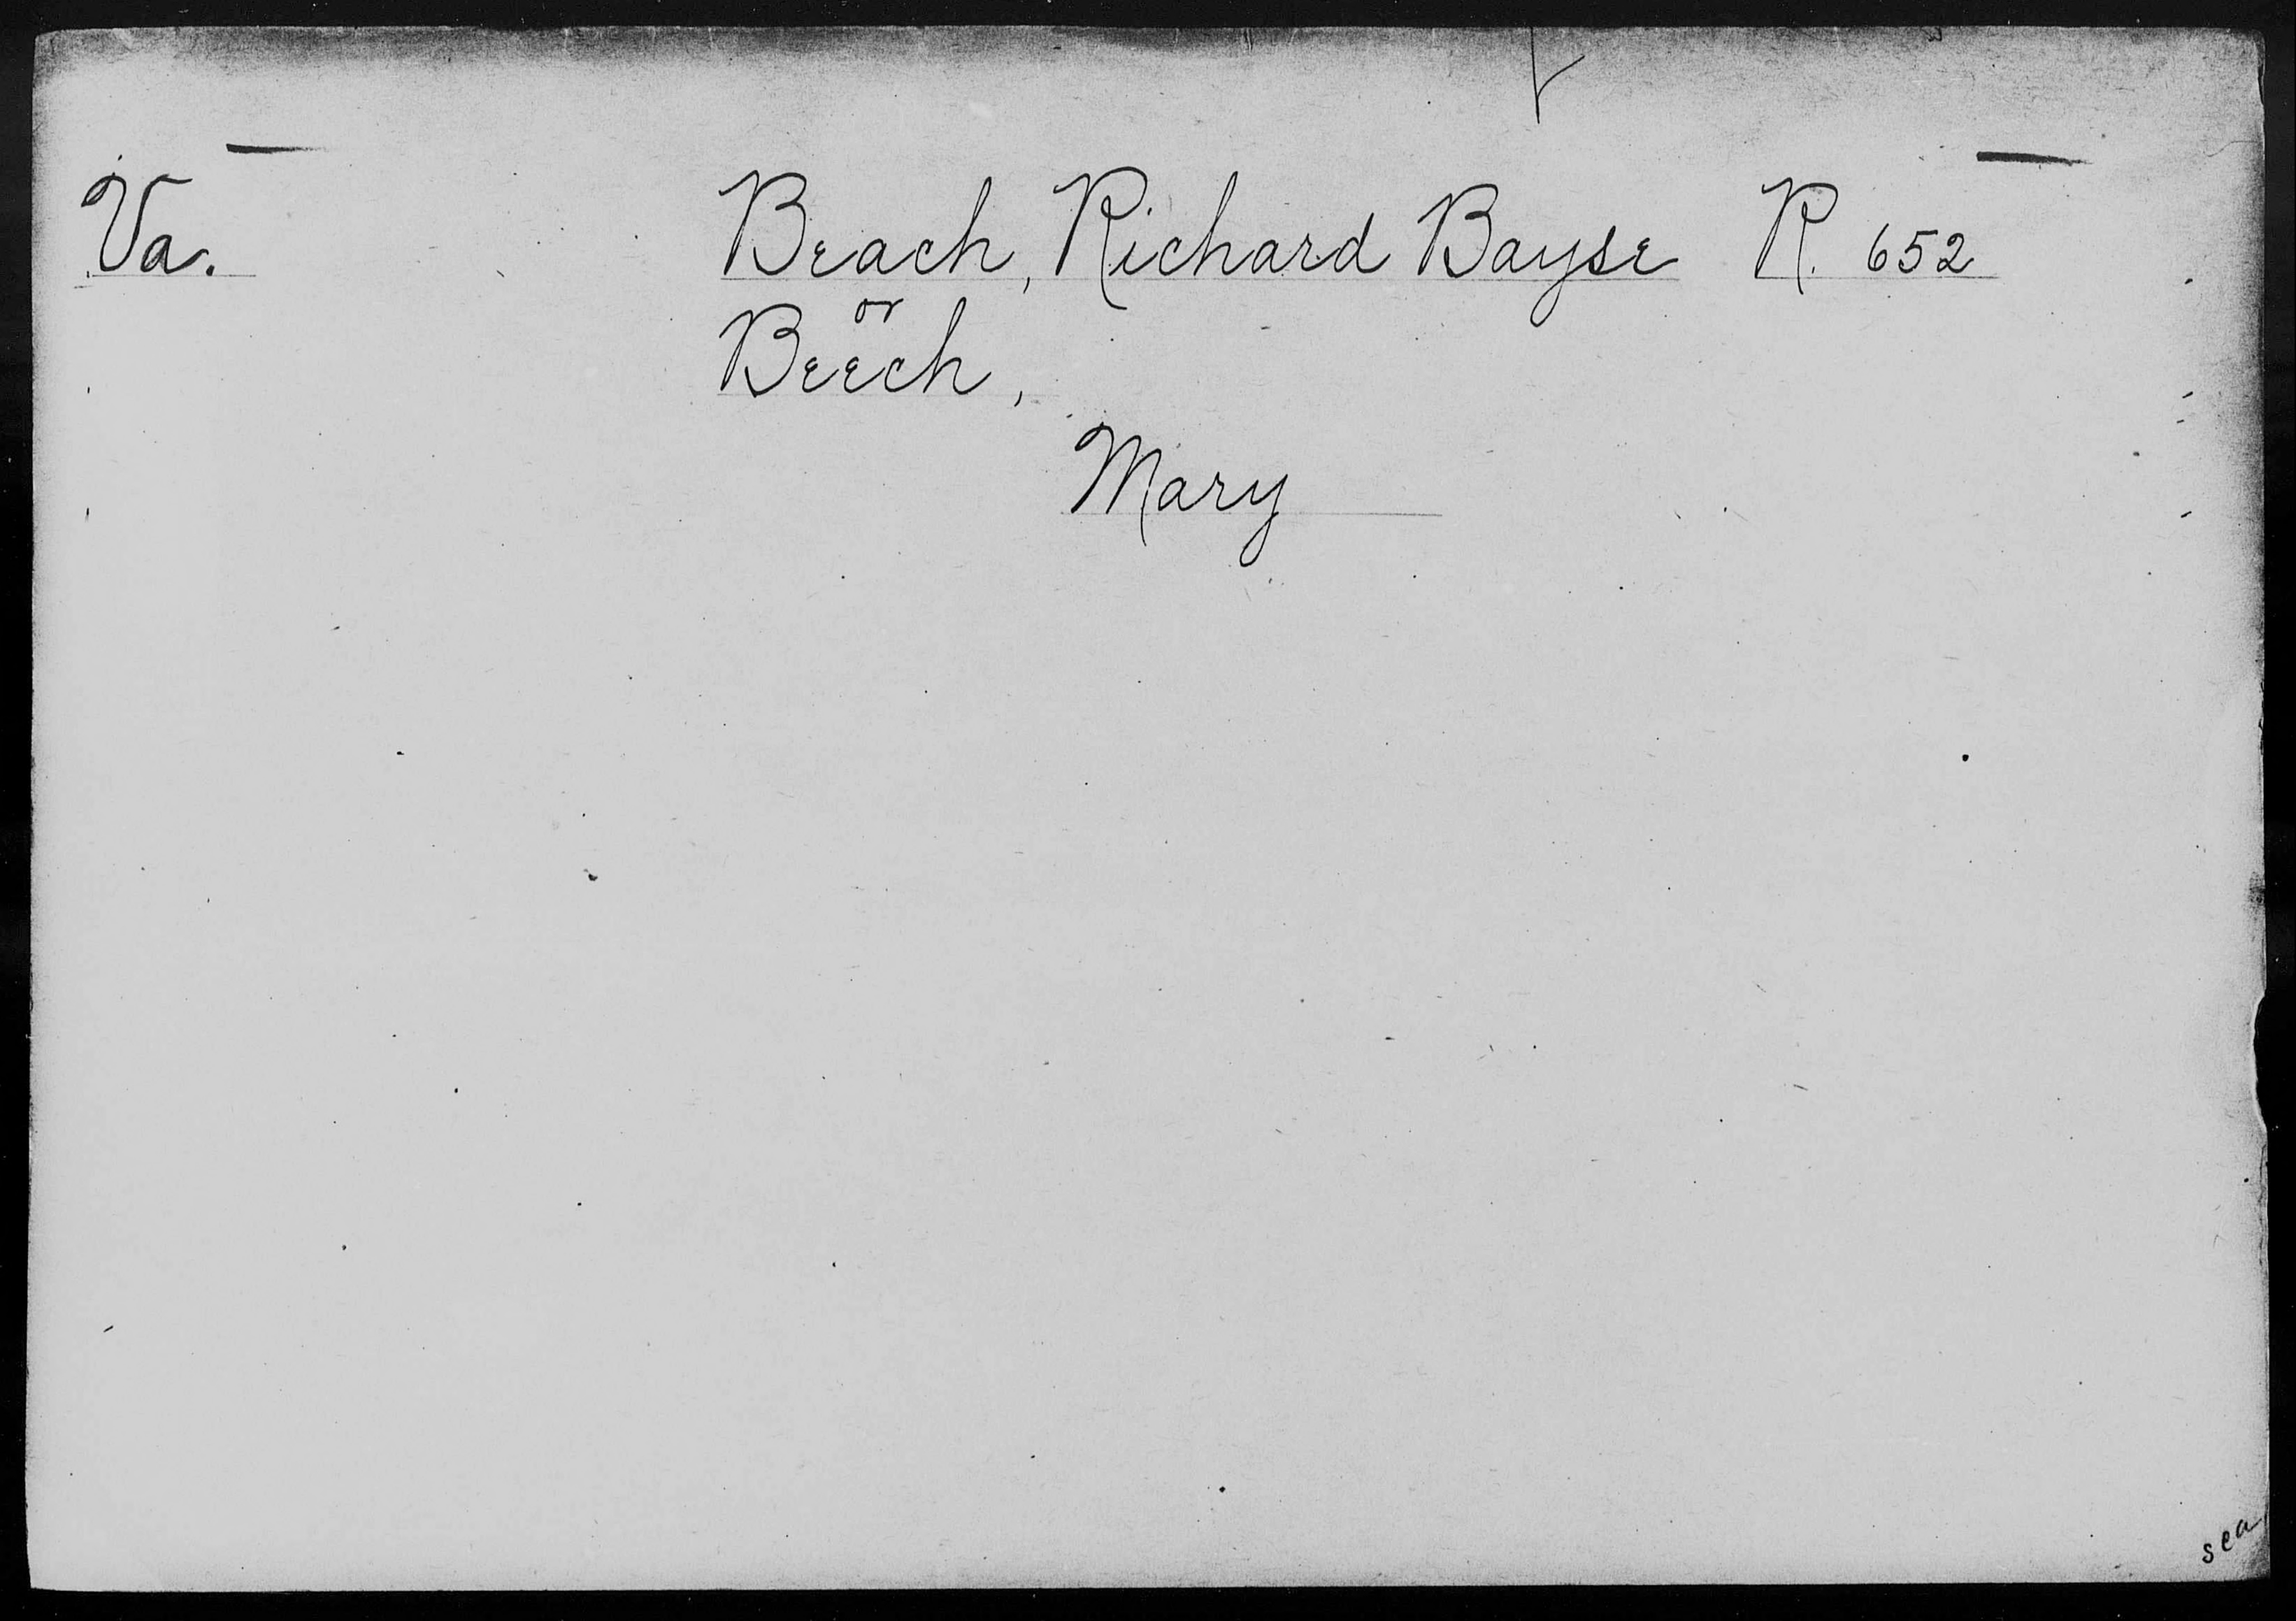Va.    Beach, Richard Bayse    R 652
or
Beech,
Mary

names: Richard Bayse Beech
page: 1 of 1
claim: rejected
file: R. 652, Richard Bayse Beach, Va.